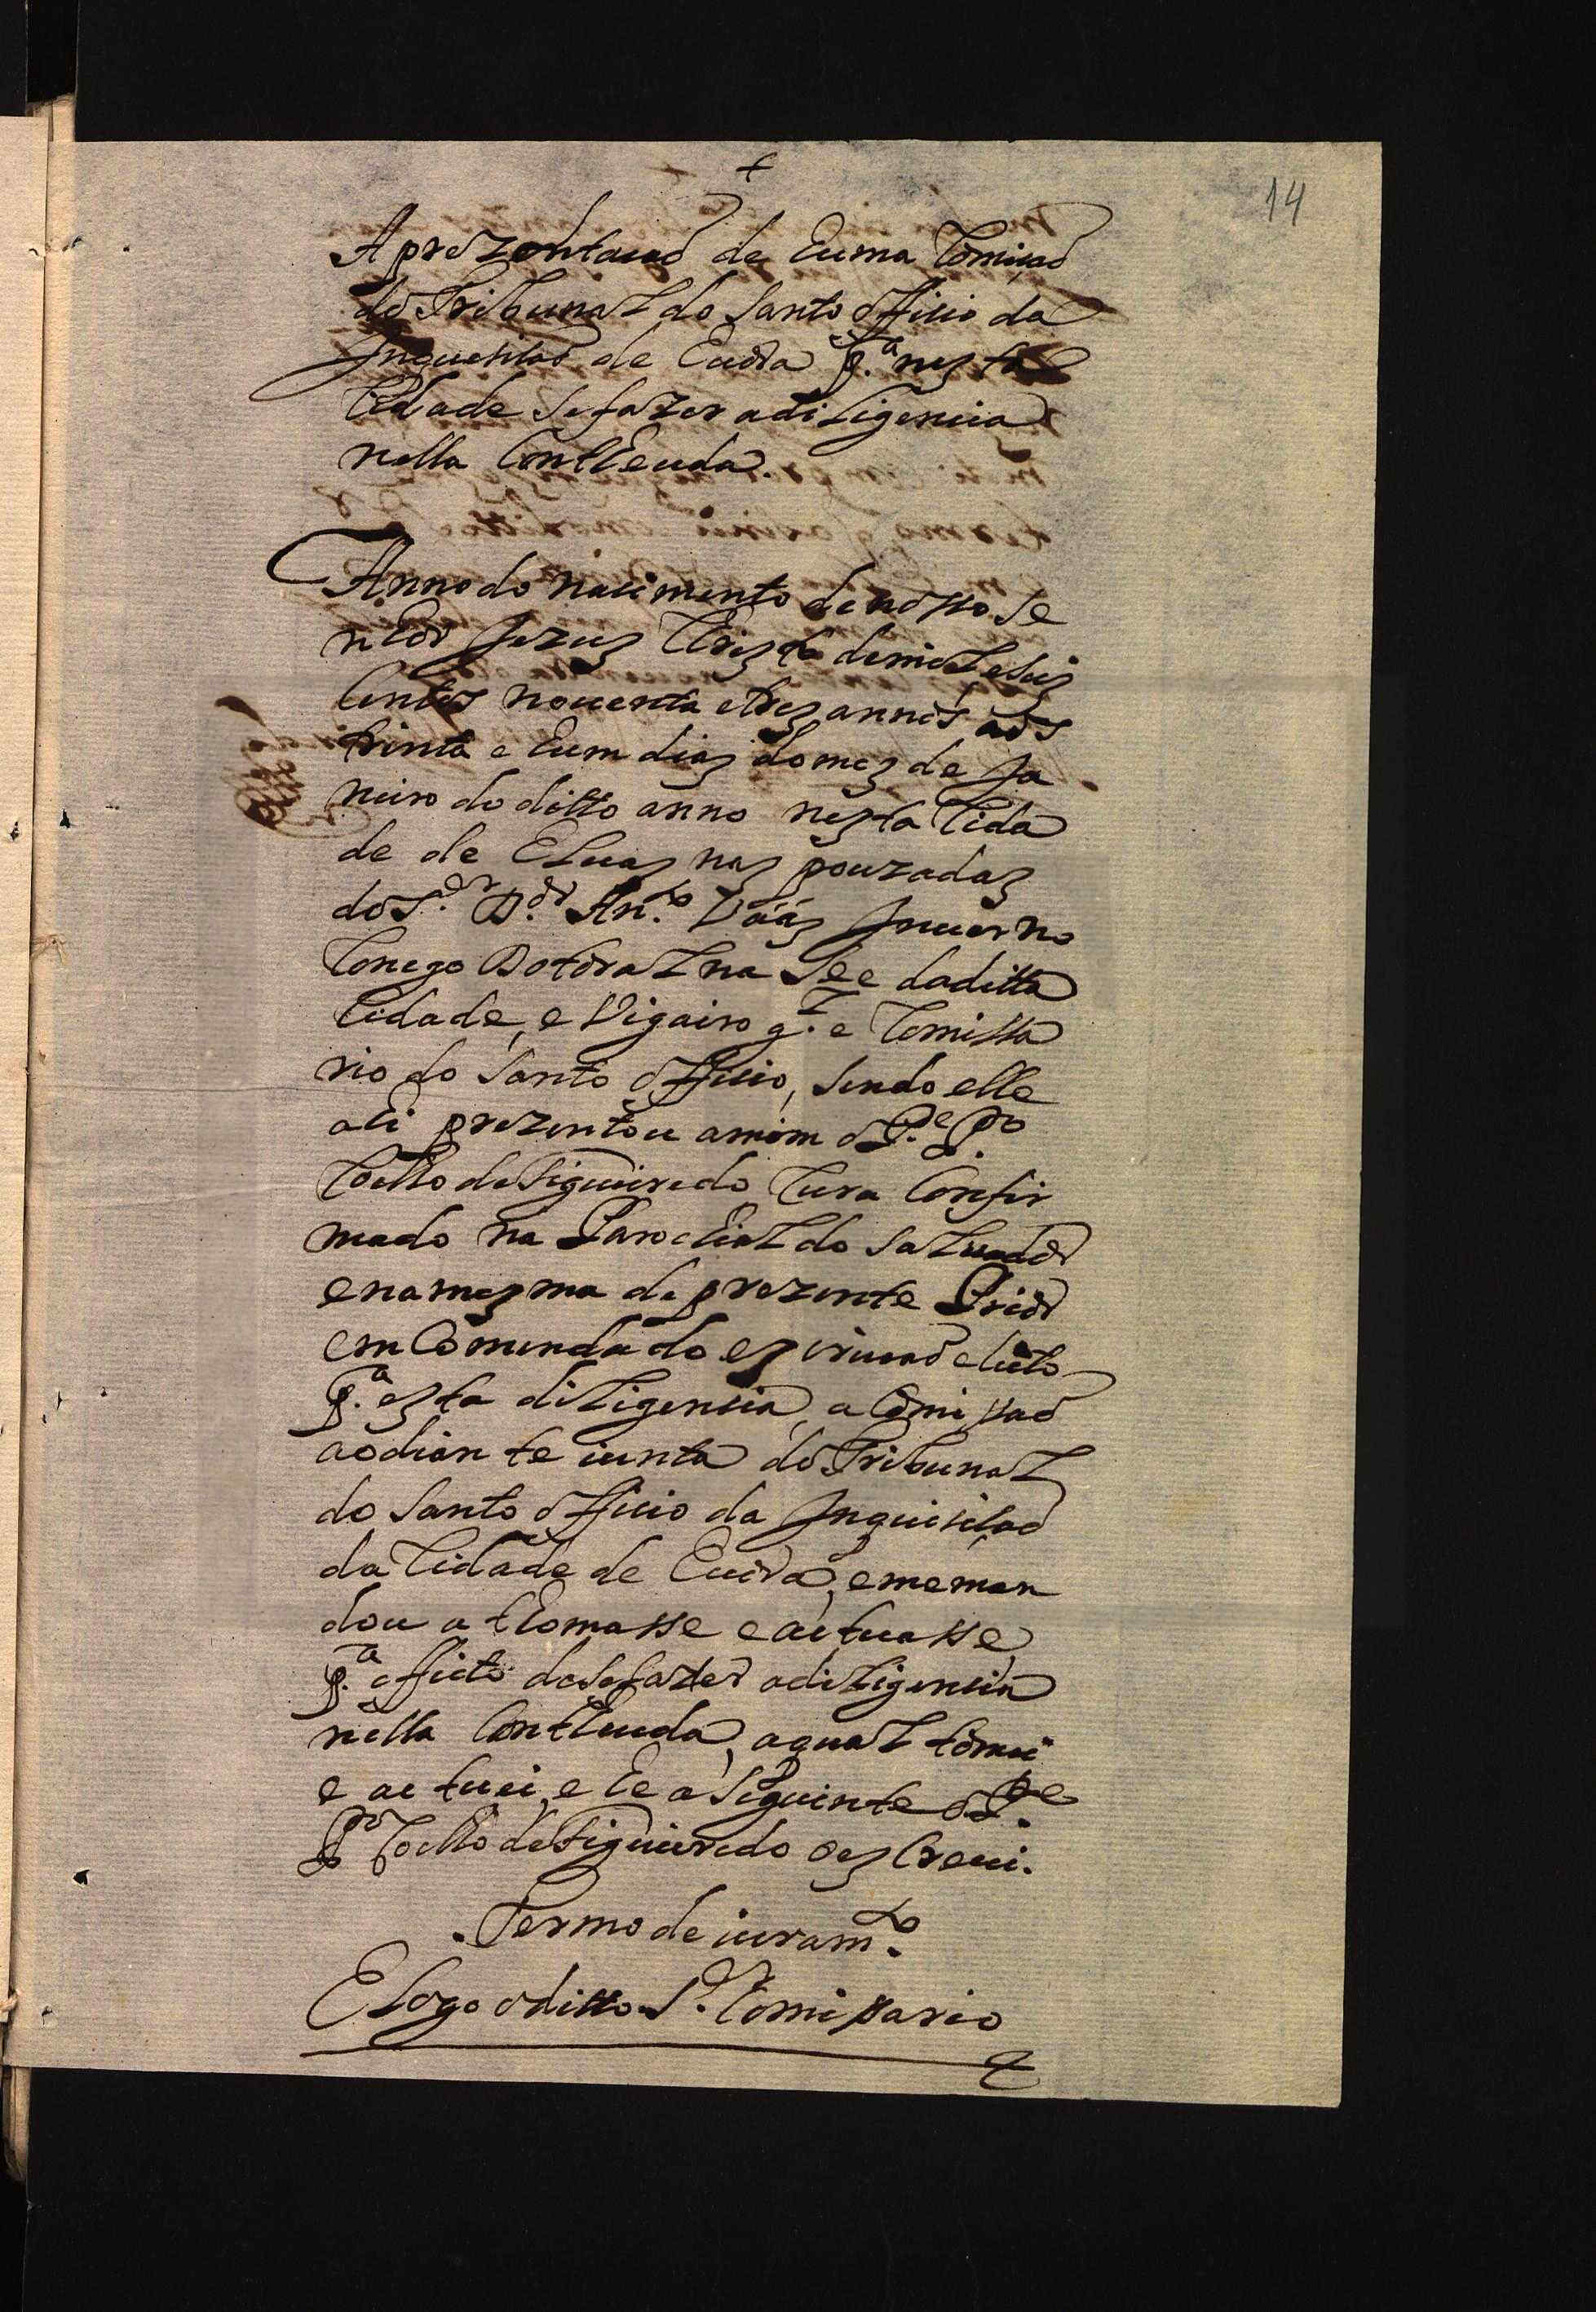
Aprezentaçaõ de huma Comiçaõ
do Tribunal do Santo officio da
Jnquisiçaõ de Euora p.a nesta
Cidade se fazer a diligencia
nella contheuda.
Anno do nacimento de nosso se
nhor Jezus Christo de mil e seiz
Centos nouenta e trez annos aos
trinta e hum diaz do mez de Ja
neiro do ditto anno nezta Cida
de de Eluas naz pouzadaz
do S.or D.or An.to Vááz Jnuerno
Conego DotoraL na See da ditta
Cidade, e Vigairo g.l e Comissa
rio do Santo officio, sendo elle
ahi prezentou a mim o P.e P.o
Coelho de Figueiredo Cura Confir
mado na Parochial do Saluador
e na mezma de prezente Prior
emcomendado ezcriuaaõ electo
p.a ezta diligencia a Comissaõ
ao diante iunta do TribunaL
do Santo officio da Jnquisiçaõ
da Cidade de Euora, e me man
dou a thomasse e actuasse
p.a effeito de se fazer a diligencia
nella contheuda, a qual tomei
e actuei, e he a seguinte o P.e
Po Coelho de Figueiredo o ezCreui.
Termo de iuram.to
E logo o ditto S.or comissario
